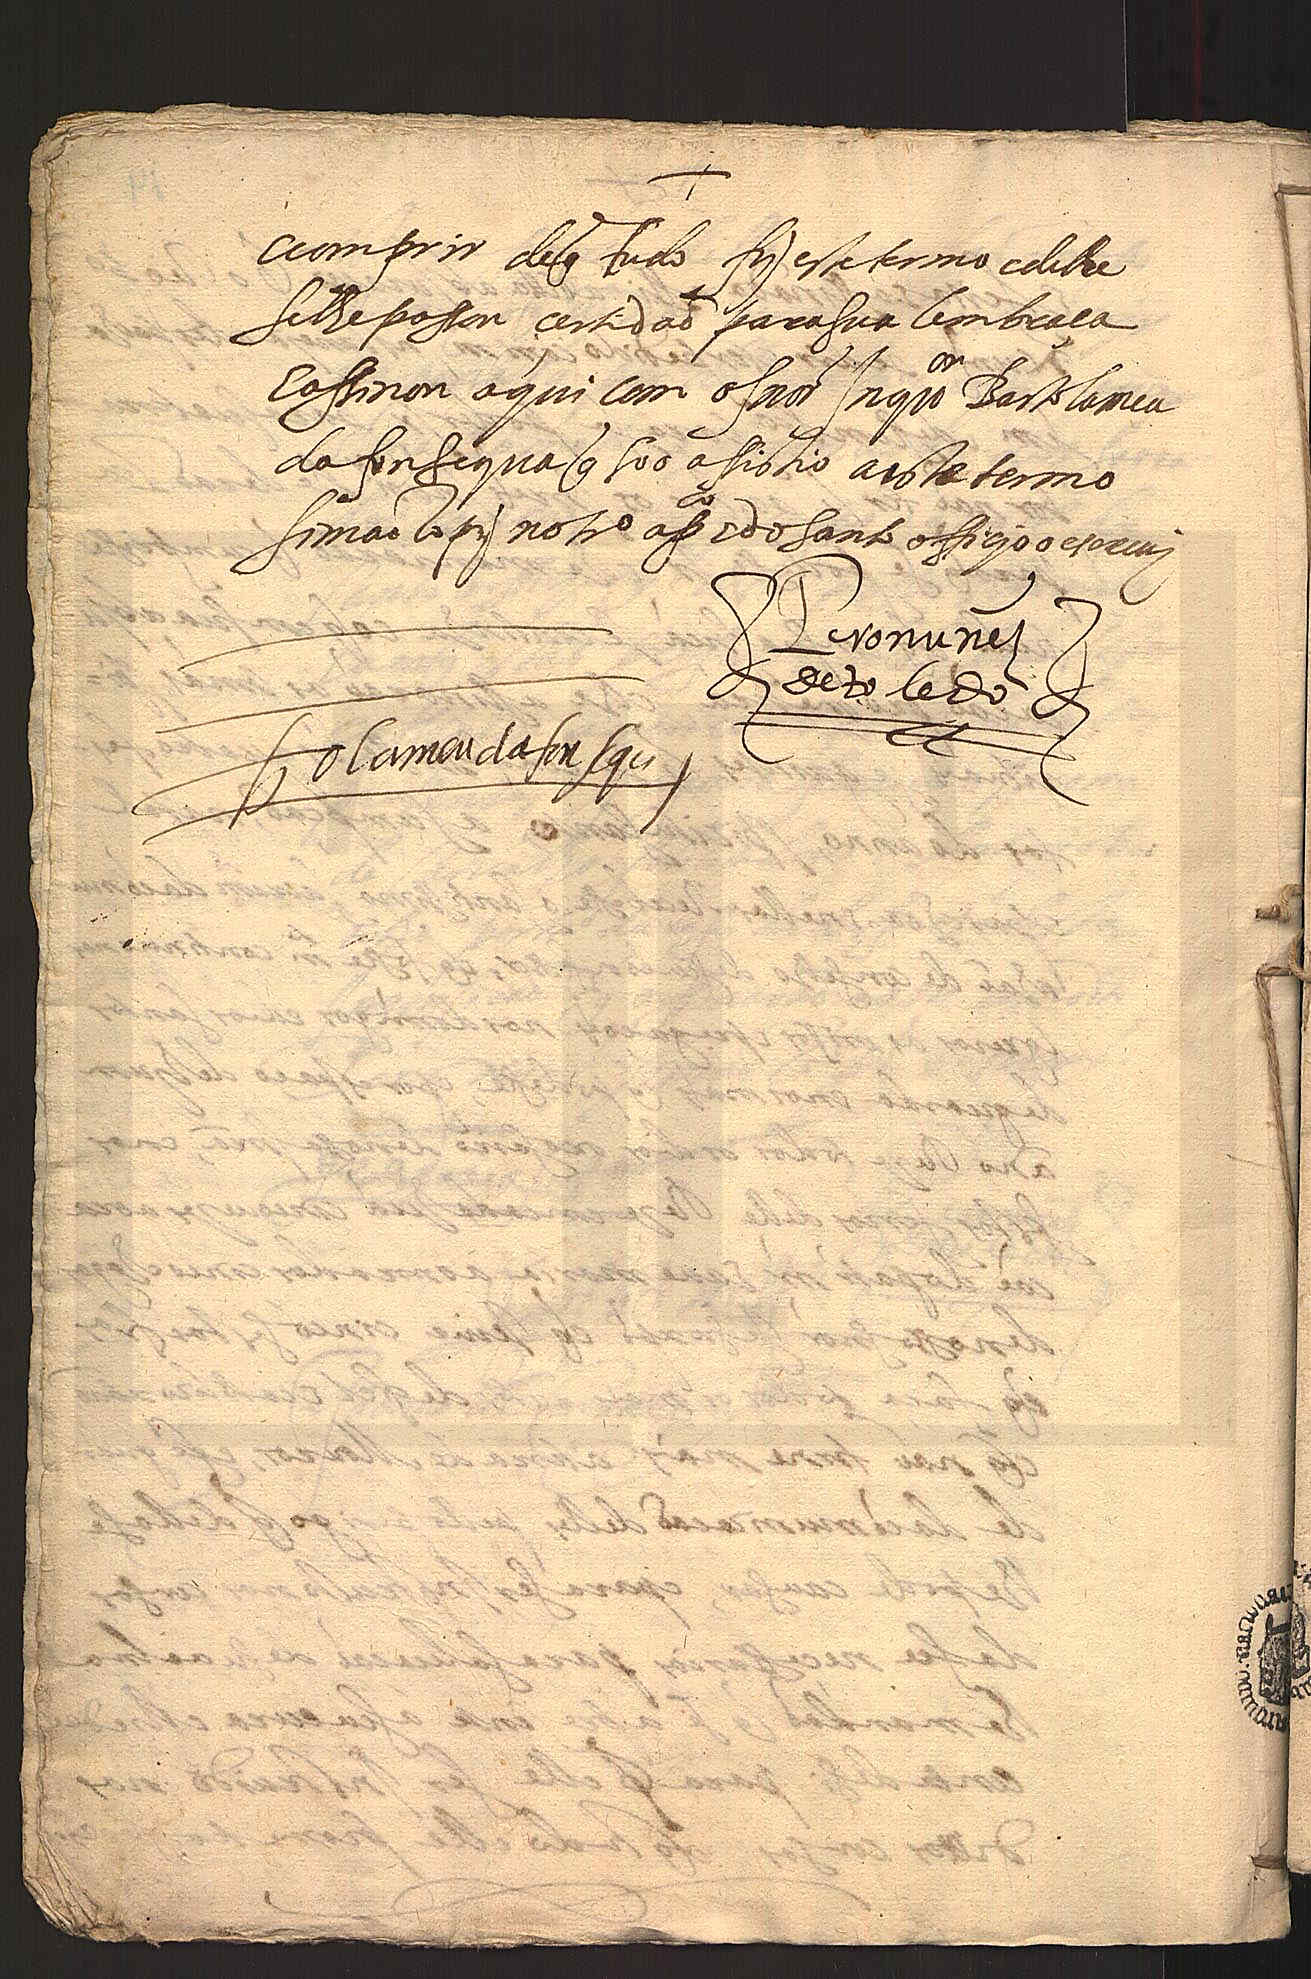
e comprir de q̄ tudo fiz este termo e delle
se lhe passou certidaõ para sua lembraça
E assinou aqui com o snor̄ Jnquor Bartolameu
da fonsequa q̄ soo assistio a este termo
Simaõ lopz̄ notro apco e do santo officio o escreuj
Pero nun̄ez
de toledo
b̄olameu da fonseqa
